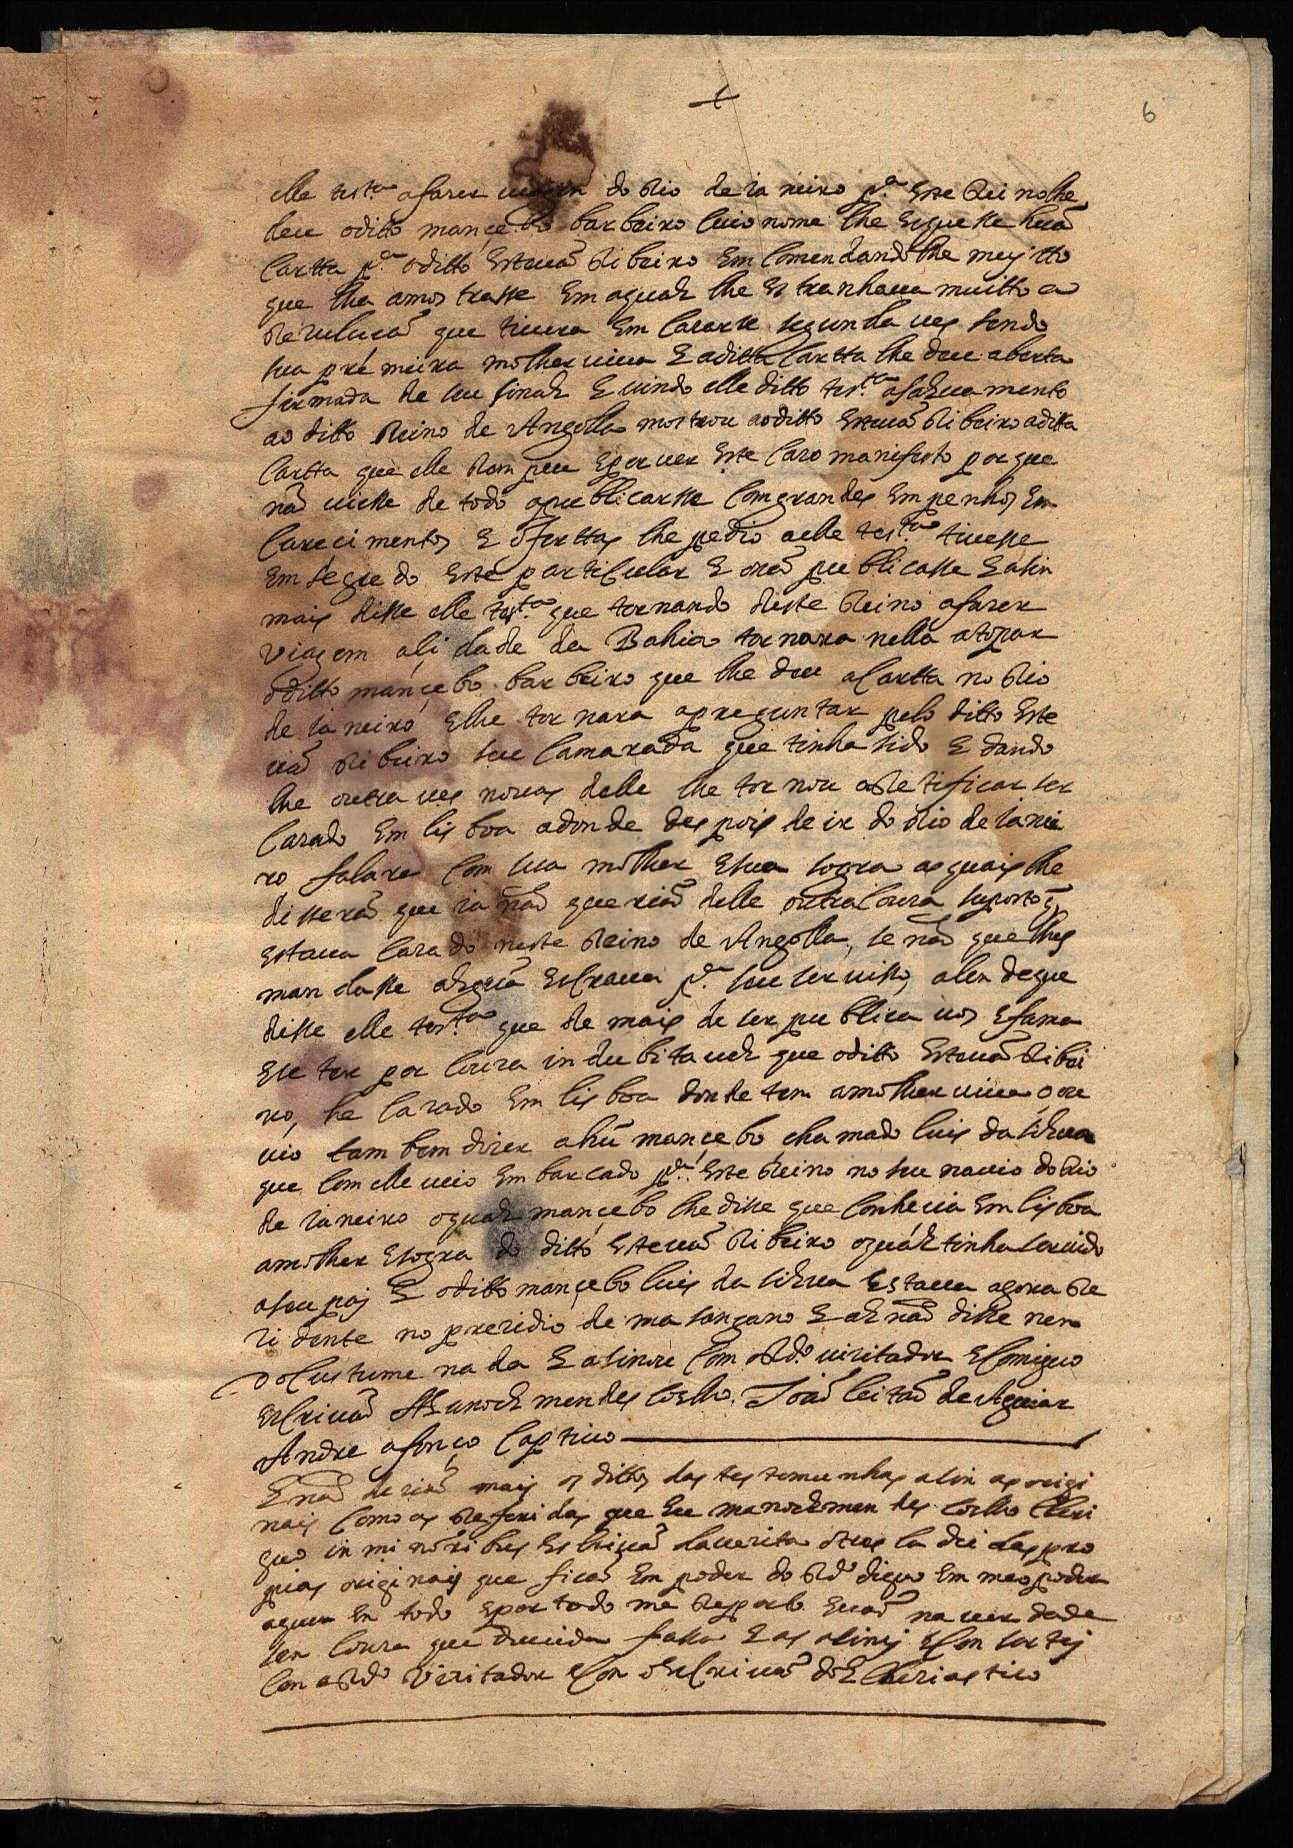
elle test.a a fazer uiagen do Rio de Ianeiro p.a Este Reino lhe
deu o dito mancebo barbeiro Cuio nome lhe Esquesse huā
Cartta pa o ditto Esteuaõ Ribeiro EmComendando lhe mujtto
que lha amostrasse Em a qual lhe Estranhaua muitto a
Rezuluçaõ que tiuera Em Cazarse segunda ues sendo
sua premeira molher uiua E a ditta Cartta lhe deu aberta
firmada de seu sinal E uindo elle ditto tes.ta a saluamento
ao ditto Reino de Angolla mostrou ao ditto Esteuaõ Ribeiro a ditta
Cartta que elle Rompeu E por uer Este Cazo manifesto por que
não uiesse de todo a publicarsse Com grandes Empenhos Em
Carecimentos E oferttas lhe pedio a elle test.a tiuesse
Em segredo Este partiCular E o naõ publicasse E asin
mais disse elle test.a que tornando deste Reino a fazer
viagem a Cidade da Bahia tornara nella a topar
o ditto mancebo barbeiro que lhe deu a Cartta no Rio
de Ianeiro E lhe tornara a preguntar pelo ditto Este
uaõ Ribeiro seu Camarada que tinha sido E dando
lhe outra ues nouas delle lhe tornou a Retificar ser
Cazado Em lisboa adonde despois de ir do Rio de Ianei
ro falara Com sua molher E sua sogra as quais lhe
disseraõ que ia não queriaõ delle outra Couza suposto q̄
Estaua Cazado neste Reino de Angolla, senão que lhes
mandasse alguā EsCraua pa seu seruisso, alen de que
disse elle test.a que de mais de ser publica uos E fama
E se ter por Couza indubitauel que o ditto Esteuaõ Ribei
ro, he Cazado Em lisboa donde tem a molher uiua o ou
uio tambem dizer a hū mancebo chamado luis da silua
que Com elle ueio Embarcado p.a Este Reino no seu nauio do Rio
de Ianeiro o qual mancebo lhe disse que Conheçia Em lisboa
a molher E sogra do ditto Esteuaõ Ribeiro o qual tinha seruido
a seu paj E o ditto mançebo luis da silua Estaua agora Re
zidente no prezidio de masangano E al não disse nen
do Custume nada E asinou Com o Rd.o uizitador E Comiguo
EsCriuaõ Manoel mendes Coelho. Ioaõ leitaõ de Aguiar
Andre afonço Captiuo
E não deziaõ mais os dittos das testemunhas asin as origi
nais Como as Referidas que Eu manoel mendes Coelho Cleri
guo in minoribus EsCriuaõ da uezita o tresladei das pro
pias originais que ficaõ Em poder do Rdo diguo Em meo poder
a quem En todo E por todo me Reporto E uaõ na uerdade
sen Couza que duuida fassa E as asinej E Concertej
Con o Rdo Vizitador e Con o EsCriuaõ do ECleziastico
